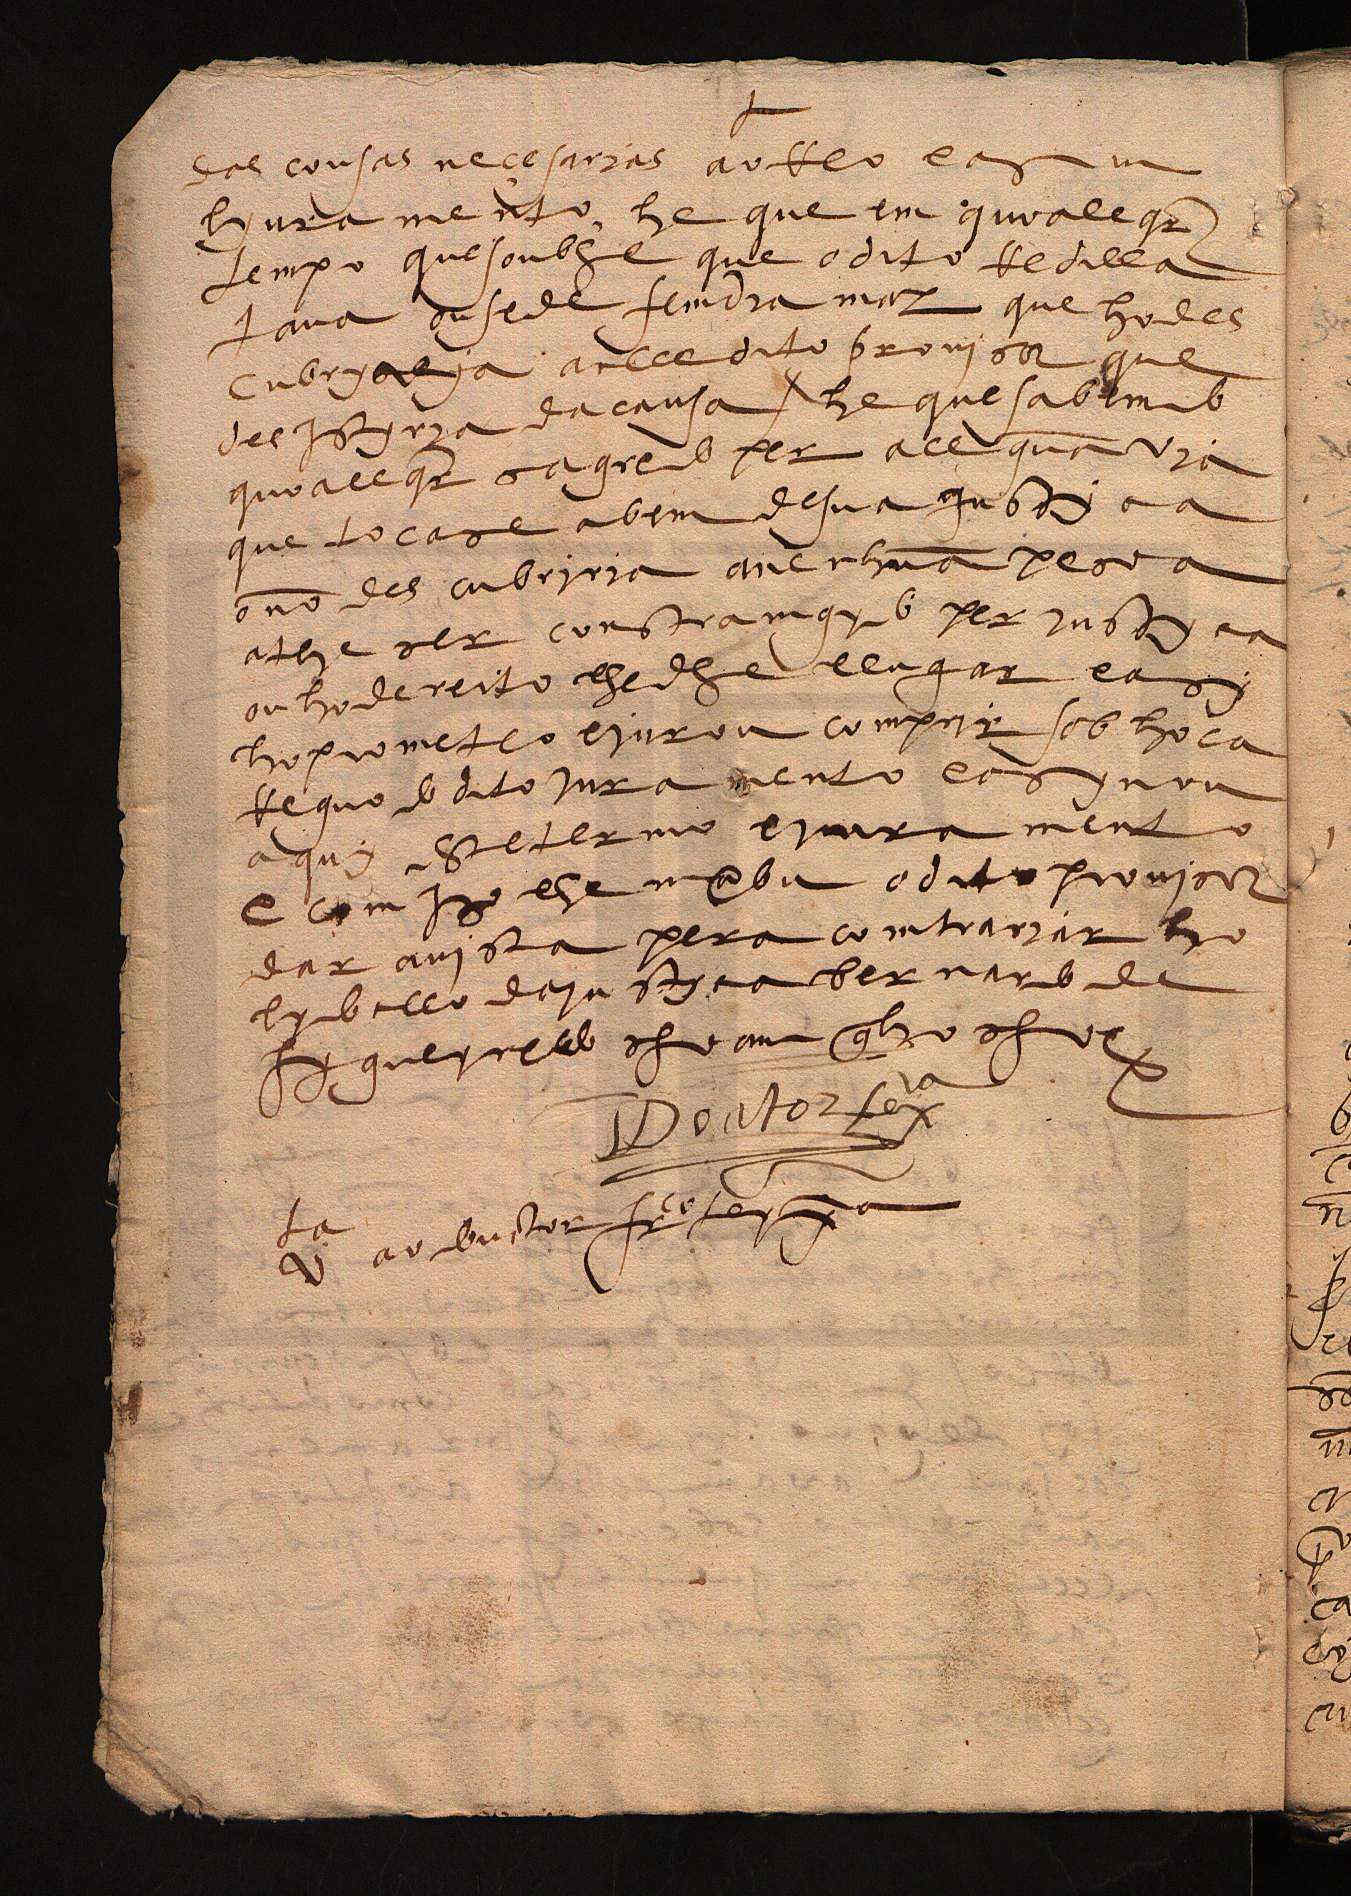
das cousas neçesarias ao Reo e a seu
lyuramento he que em quoallqr̄
tempo que soubese que o dito Re della
taua ou se defemdia maL que ho des
cubry_ja a elle dito proujsor que
desJstyrja da causa / he que sabemdo
quoallqr̄ sagredo per allgūa vja
que tocase a bem de sua Justyca
o nō descubrjria a nenhūa pesoa
athe ter constramgydo per Justyca
ou ho dereito lhe dese llugar e asy
ho prometeo e jurou comprir sob ho ca
Reguo do dito Juramento e asynou
aquy este termo ljuramento
e comJgo lhe mādou o dito proujsor
dar a ujsta pera comtrariar ho
lybello da justyca bernardo de
fygueyredo sꝑvam q̄ ho spvi
vta ao douctor frco teyxra
